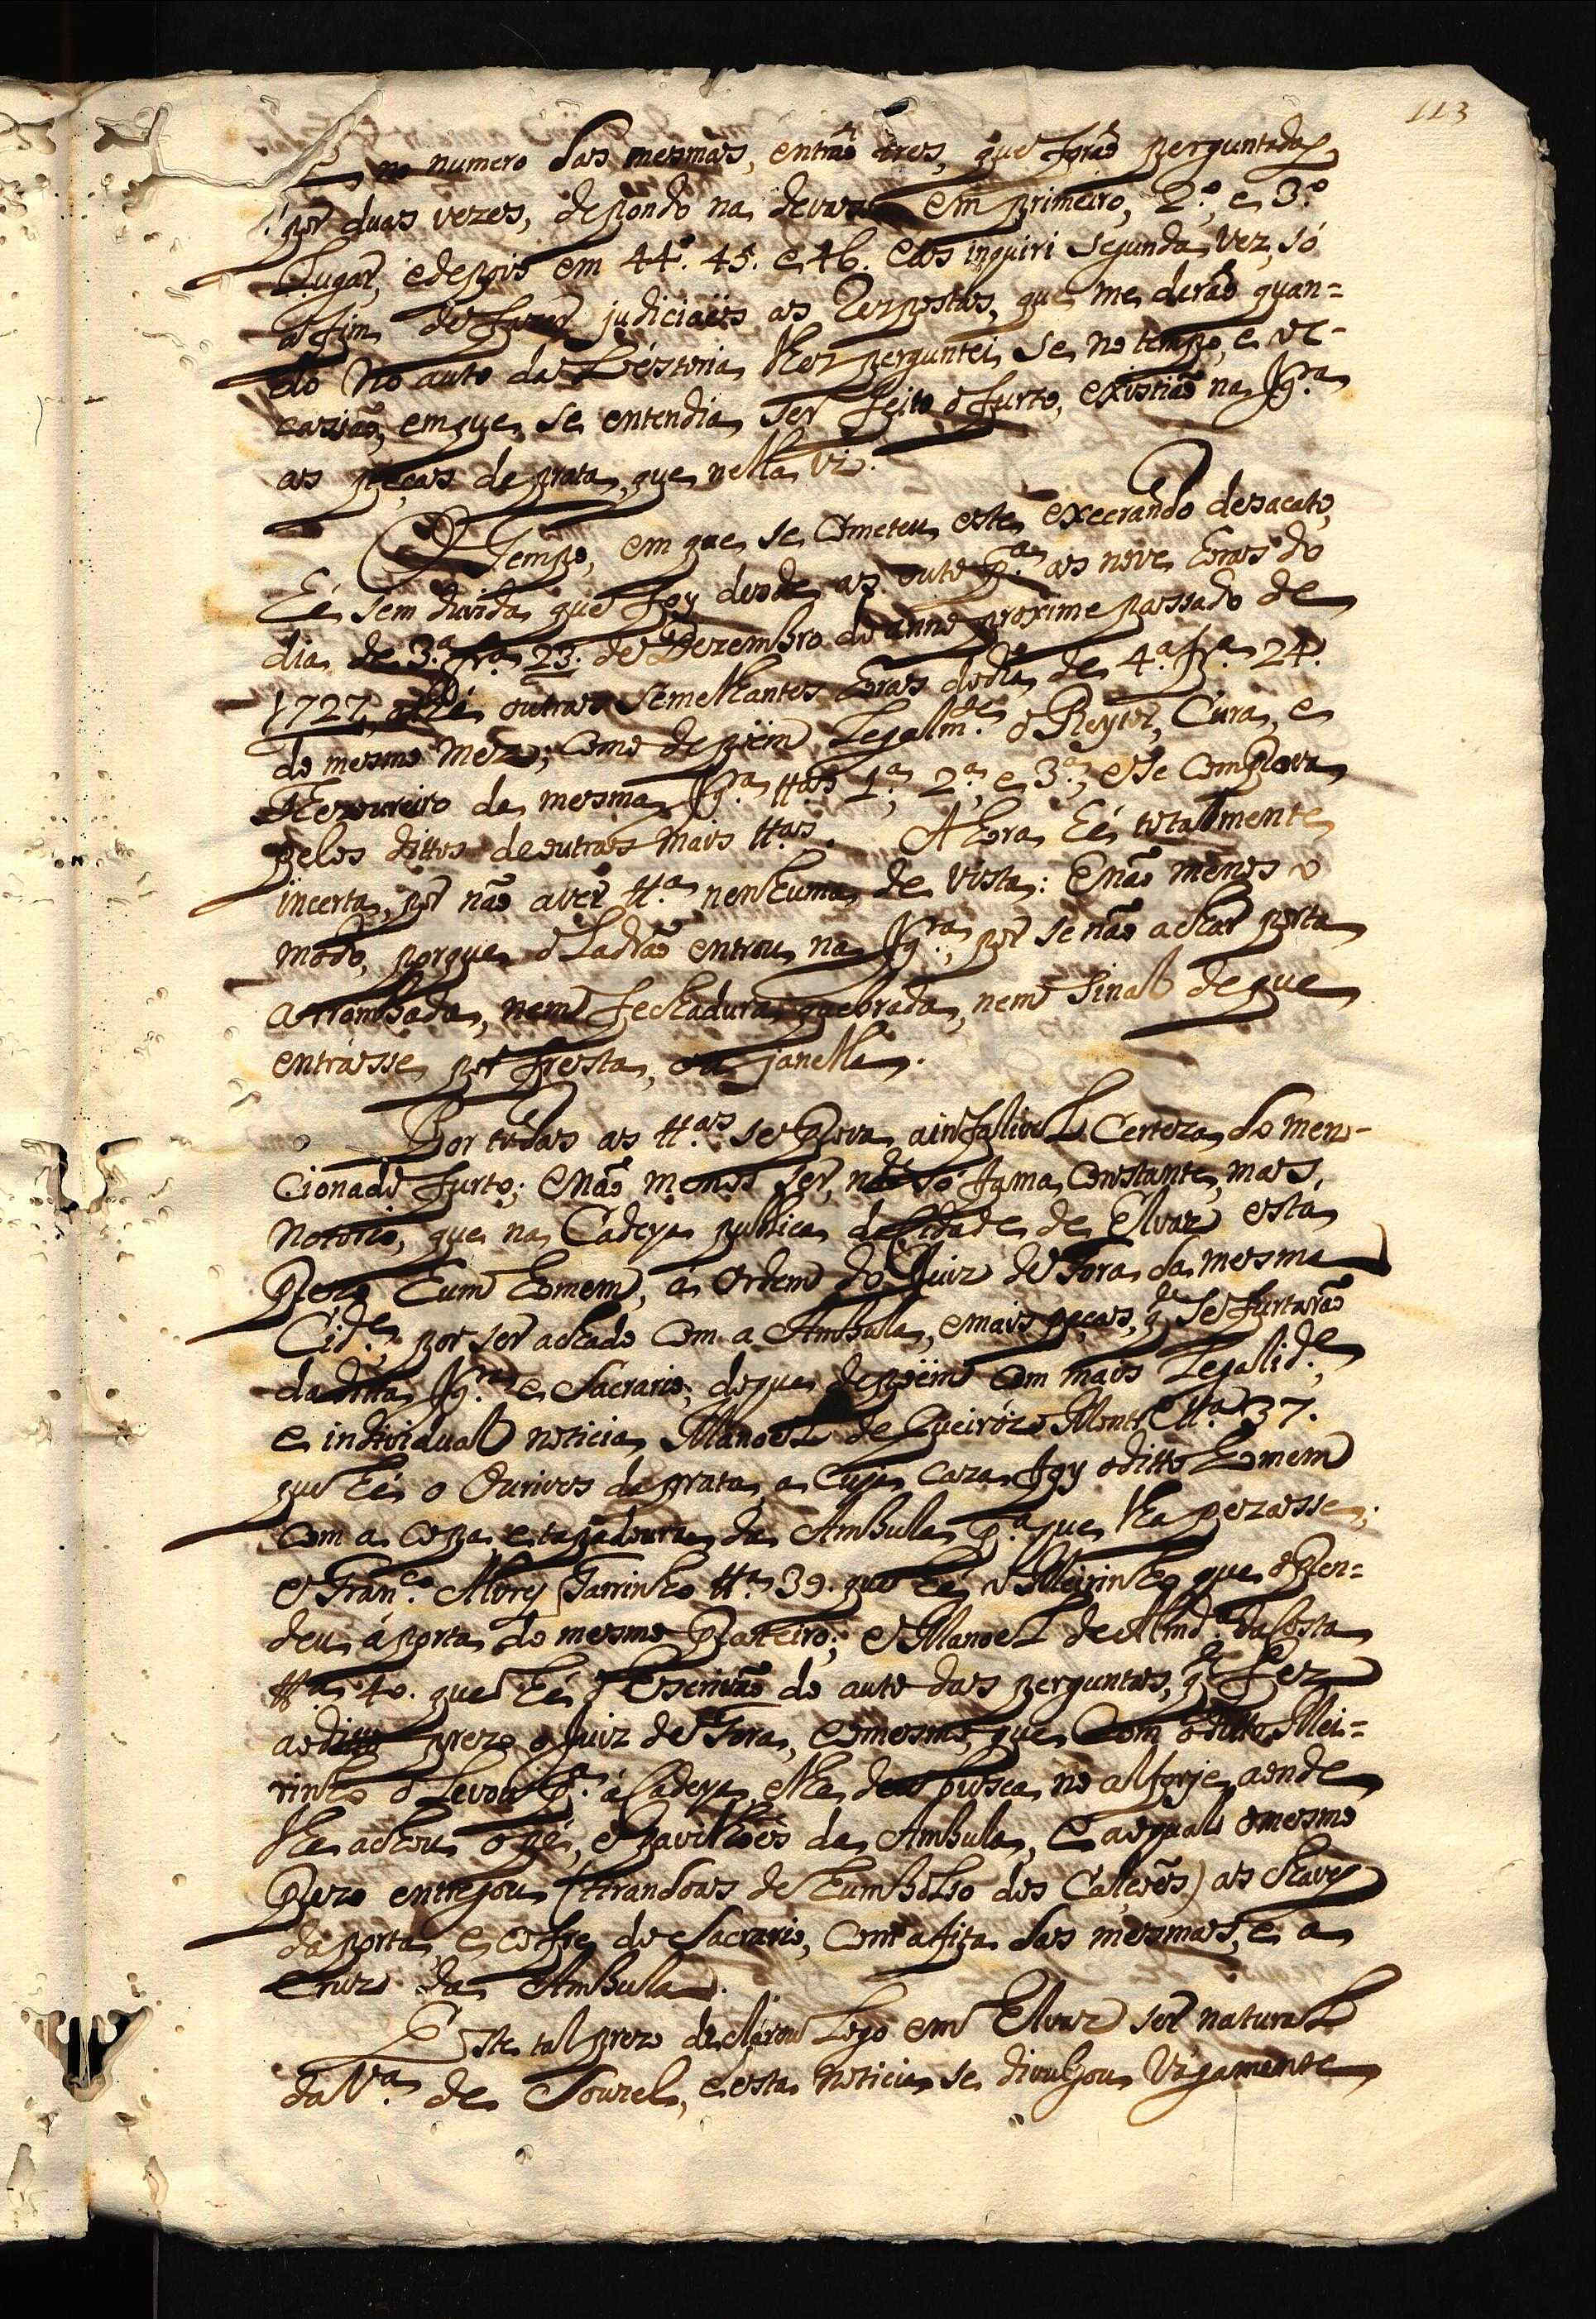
no numero das mesmas entraõ tres, que foraõ perguntadas
por duas vezes, depondo na devasa em primeiro, 2.o, e 3.o
Lugar, e depois em 44o. 45. e 46. e as inquiri segunda vez, só
afim de fazer judiciaes as Respostas, que me derão quan
do no auto da Vestoria, lhes perguntei se no tempo, e oc
caziaõ em que se entendia ser feito o furto, existiaõ na Jg.ra
as peças de prata que nella vi.
O Tempo, em que se cometeu este execrando desacato,
hé sem duvida que foy desde as outo p.a as nove horas do
dia de 3.a fr.a 23. de Dezembro do anno proxime passado de
1727 athé outras semelhantes horas do dia de 4.a fr.a 24.
do mesmo mez; como depoem Legalm.te o Reytor, Cura, e
Thezoureiro da mesma Jg.ra tt.as 1.a, 2.a, e 3.a, e se compRova
pelos dittos de outras mais tt.as. A hora hé totalmente
incerta, por não aver tt.a nenhuma de vista: E não menos o
modo, porque o Ladraõ entrou na Jg.ra, por se não achar porta
arrombada, nem fechadura quebrada, nem sinal de que
entrasse por fresta, ou janella.
Por todas as tt.as se pRova a infaliveL certeza do men
cionado furto; e não menos ser, naõ só fama, constante, mas,
notorio, que na Cadeya publica da Cidade de Elvaz esta
pRezo hum homem, á Ordem do Juiz de Fora da mesma
Cid.e por ser achado com a Ambula, e mais peças, q̄ se furtarão
da ditta Jg.ra e Sacrario, do que depoem com mais Legalid.e,
e individual noticia ManoeL de Queiróz Montro tt.a 37.
que hé o Ourives de prata a Cuja caza foy o ditto homem
com a copa e tapadoura da Ambula p.a que lhe pezasse,
e Fran.co Alvres Tarrinho tt.a 39. que hé o Meirinho que o Ren
deu á porta do mesmo pRateiro; e ManoeL de Almd.a da Costa
tt.a 40. que hé Escrivão do auto das perguntas, q̄ fez
ao ditto prezo o Juiz de Fora, e o mesmo, que Com o ditto Mei
rinho o Levou p.a á Cadeya, e lhe deo busca no alforje, aonde
lhe achou o pé, e pavilhoẽs da Ambula, E ao qual o mesmo
pRezo entregou (tirandoas de hum bolso dos Calçoẽs) as chaves
da porta, e cofre do Sacrario, Com a fita dos mesmos, e a
Cruz da Ambula.
Este tal prezo declarou Logo em Elvaz ser naturaL
da V.a de Souzel, e esta noticia se divulgou Vagamente
113
